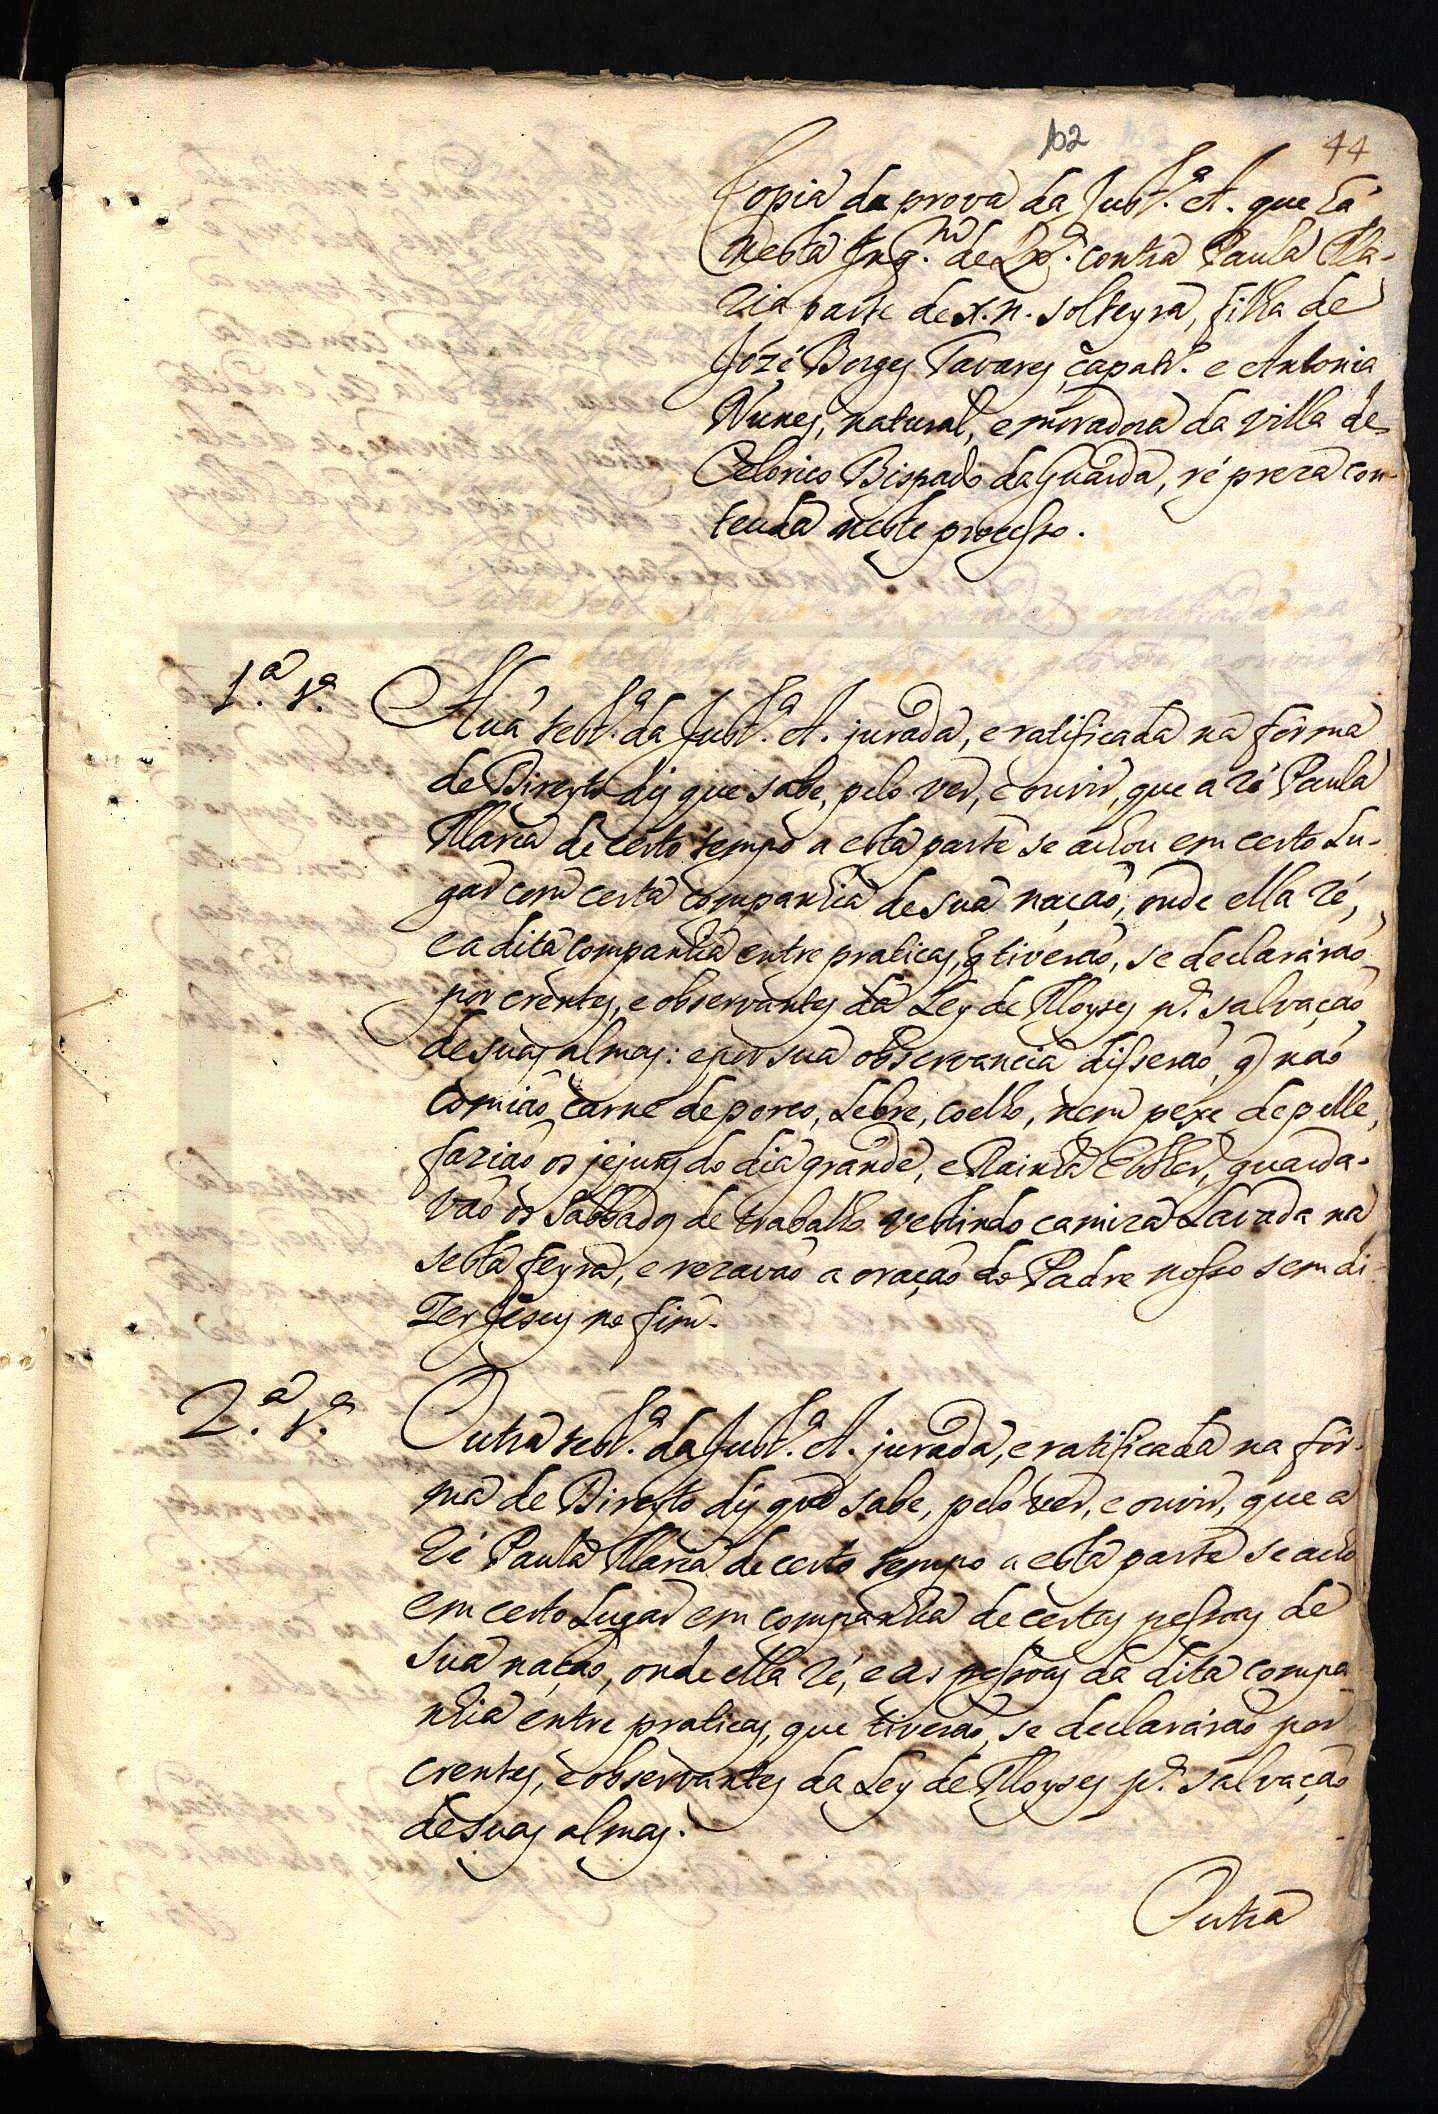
44
Copia da prova da Just.a A. que há
nesta Jnq.m de Lx.a contra Paula Ma
ria parte de x. n. solteyra, filha de
Jozé Borges Tavares çapatr.o e Antonia
Nunes, natural, e moradora da villa de
Celorico Bispado da Guarda, ré preza con
teuda neste processo.
1.a t.a
Huā test.a da Just.a A. jurada, e ratificada na forma
de Direyto dis que sabe, pelo ver, e ouvir, que a Ré Paula
Maria de certo tempo a esta parte se achou em certo Lu
gar com certa companhia de sua naçaõ, onde ella Ré,
e a dita companhia entre praticas, q̄ tiveraõ, se declararaõ
por crentes, e observantes da Ley de Moyzes, p.a salvaçaõ
de suas almas: e por sua observancia disseraõ, q̄ naõ
comiaõ carne de porco, Lebre, coelho, nem pexe de pelle,
faziaõ os jejuns do dia grande, e Rainha Esther, guarda
vaõ os sabbados de trabalho vestindo camiza Lavada na
sesta feyra, e rezavaõ a oração do Padre nosso sem di
Zer Jesus no fim.
2.a t.a
Outra test.a da Just.a A. jurada, e ratificada na fôr
ma de Direyto dis que sabe, pelo ver, e ouvir, que a
Ré Paula Maria de certo tempo a esta parte se acho
em certo Lugar em companhia de certas pessoas de
sua naçaõ, onde ella Ré, e as pessoas da dita compa
nhia entre praticas, que tiveraõ, se declararaõ por
crentes, e observantes da Ley de Moyses p.a salvaçaõ
de suas almas.
Outra
